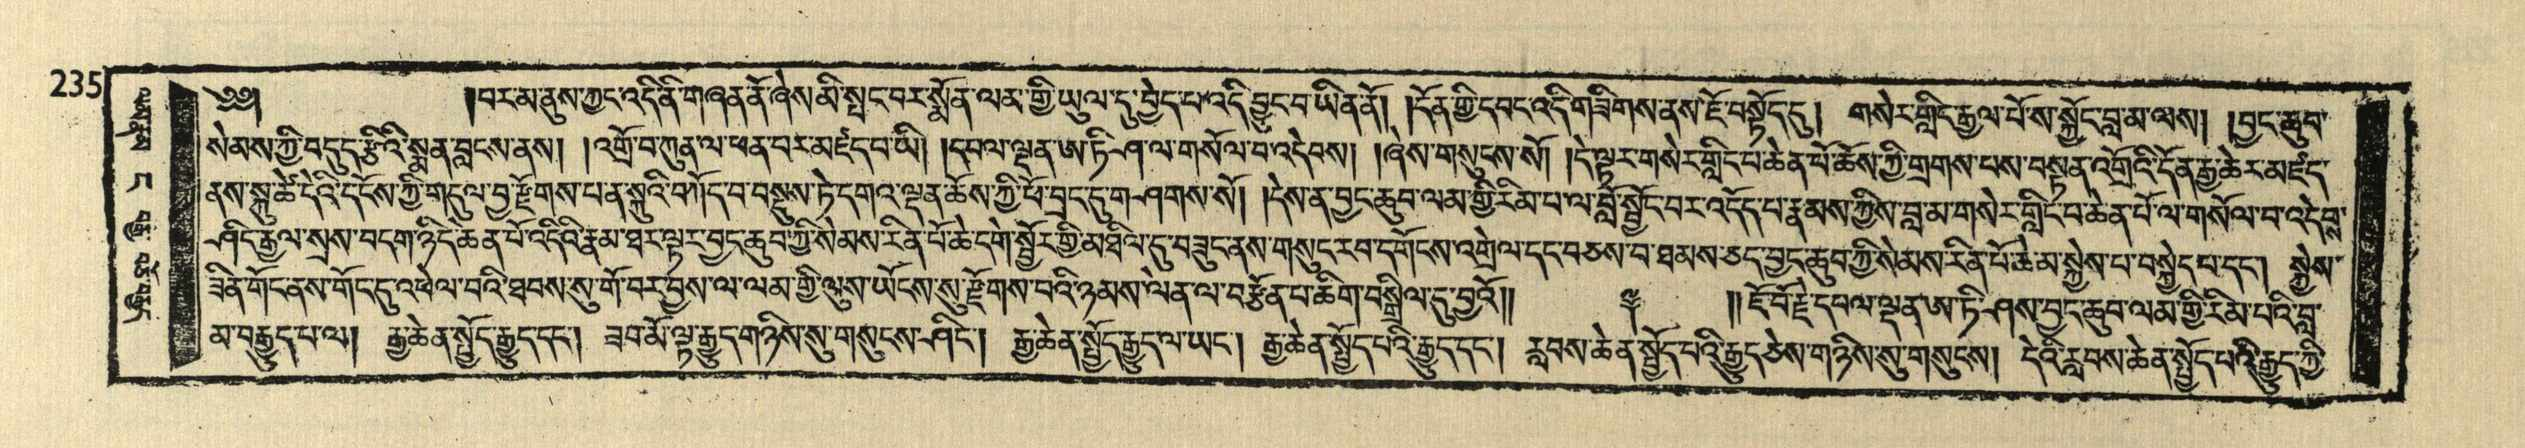༄༅། །བར་མ་ནུས་ཀྱང་འདི་ནི་གཞན་ནོ་ཞེས་མི་སྤང་བར་སྨོན་ལམ་གྱི་ཡུལ་དུ་བྱེད་པ་འདི་བྱུང་བ་ཡིན་ནོ། །དོན་གྱི་དབང་འདི་གཟིགས་ནས་ཇོ་བསྟོད་དུ། གསེར་གླིང་རྒྱལ་པོས་སྐྱོང་བླ་མ་ལས། །བྱང་ཆུབ་
སེམས་ཀྱི་བདུད་རྩིའི་སྨན་བླངས་ནས། །འགྲོ་བ་ཀུན་ལ་ཕན་བར་མཛད་པ་ཡི། །དཔལ་ལྡན་ཨ་ཏི་ཤ་ལ་གསོལ་བ་འདེབས། །ཞེས་གསུངས་སོ། །དེ་ལྟར་གསེར་གླིང་པ་ཆེན་པོ་ཆོས་ཀྱི་གྲགས་པས་བསྟན་འགྲོའི་དོན་རྒྱ་ཆེར་མཛད་
ནས་སྐུ་ཚེ་དེའི་དངོས་ཀྱི་གདུལ་བྱ་རྫོགས་པ་ན་སྐུའི་བཀོད་པ་བསྡུས་ཏེ་དགའ་ལྡན་ཆོས་ཀྱི་ཕོ་བྲང་དུ་གཤགས་སོ། །དེས་ན་བྱང་ཆུབ་ལམ་གྱི་རིམ་པ་ལ་བློ་སྦྱོང་བར་འདོད་པ་རྣམས་ཀྱིས་བླ་མ་གསེར་གླིང་པ་ཆེན་པོ་ལ་གསོལ་བ་འདེབས་
ཤིང་རྒྱལ་སྲས་བདག་ཉིད་ཆེན་པོ་འདིའི་རྣམ་ཐར་ལྟར་བྱང་ཆུབ་ཀྱི་སེམས་རིན་པོ་ཆེ་དགེ་སྦྱོར་གྱི་མཐིལ་དུ་བཟུང་ནས་གསུང་རབ་དགོངས་འགྲེལ་དང་བཅས་པ་ཐམས་ཅད་བྱང་ཆུབ་ཀྱི་སེམས་རིན་པོ་ཆེ་མ་སྐྱེས་པ་བསྐྱེད་པ་དང་། སྐྱེས་
ཟིན་གོང་ནས་གོང་དུ་འཕེལ་བའི་ཐབས་སུ་གོ་བར་བྱས་ལ་ལམ་གྱི་ལུས་ཡོངས་སུ་རྫོགས་པའི་ཉམས་ལེན་ལ་བརྩོན་པ་ཚིག་བསྒྲིལ་དུ་བྱའོ།། ༈ །།ཇོ་བོ་རྗེ་དཔལ་ལྡན་ཨ་ཏི་ཤས་བྱང་ཆུབ་ལམ་གྱི་རིམ་པའི་བླ་
མ་བརྒྱུད་པ་ལ། རྒྱ་ཆེན་སྤྱོད་རྒྱུད་དང་། ཟབ་མོ་ལྟ་རྒྱུད་གཉིས་སུ་གསུངས་ཤིང་། རྒྱ་ཆེན་སྤྱོད་རྒྱུད་ལ་ཡང་། རྒྱ་ཆེན་སྤྱོད་པའི་རྒྱུད་དང་། རླབས་ཆེན་སྤྱོད་པའི་རྒྱུད་ཅེས་གཉིས་སུ་གསུངས། དེའི་རླབས་ཆེན་སྤྱོད་པའི་རྒྱུད་ཀྱི་